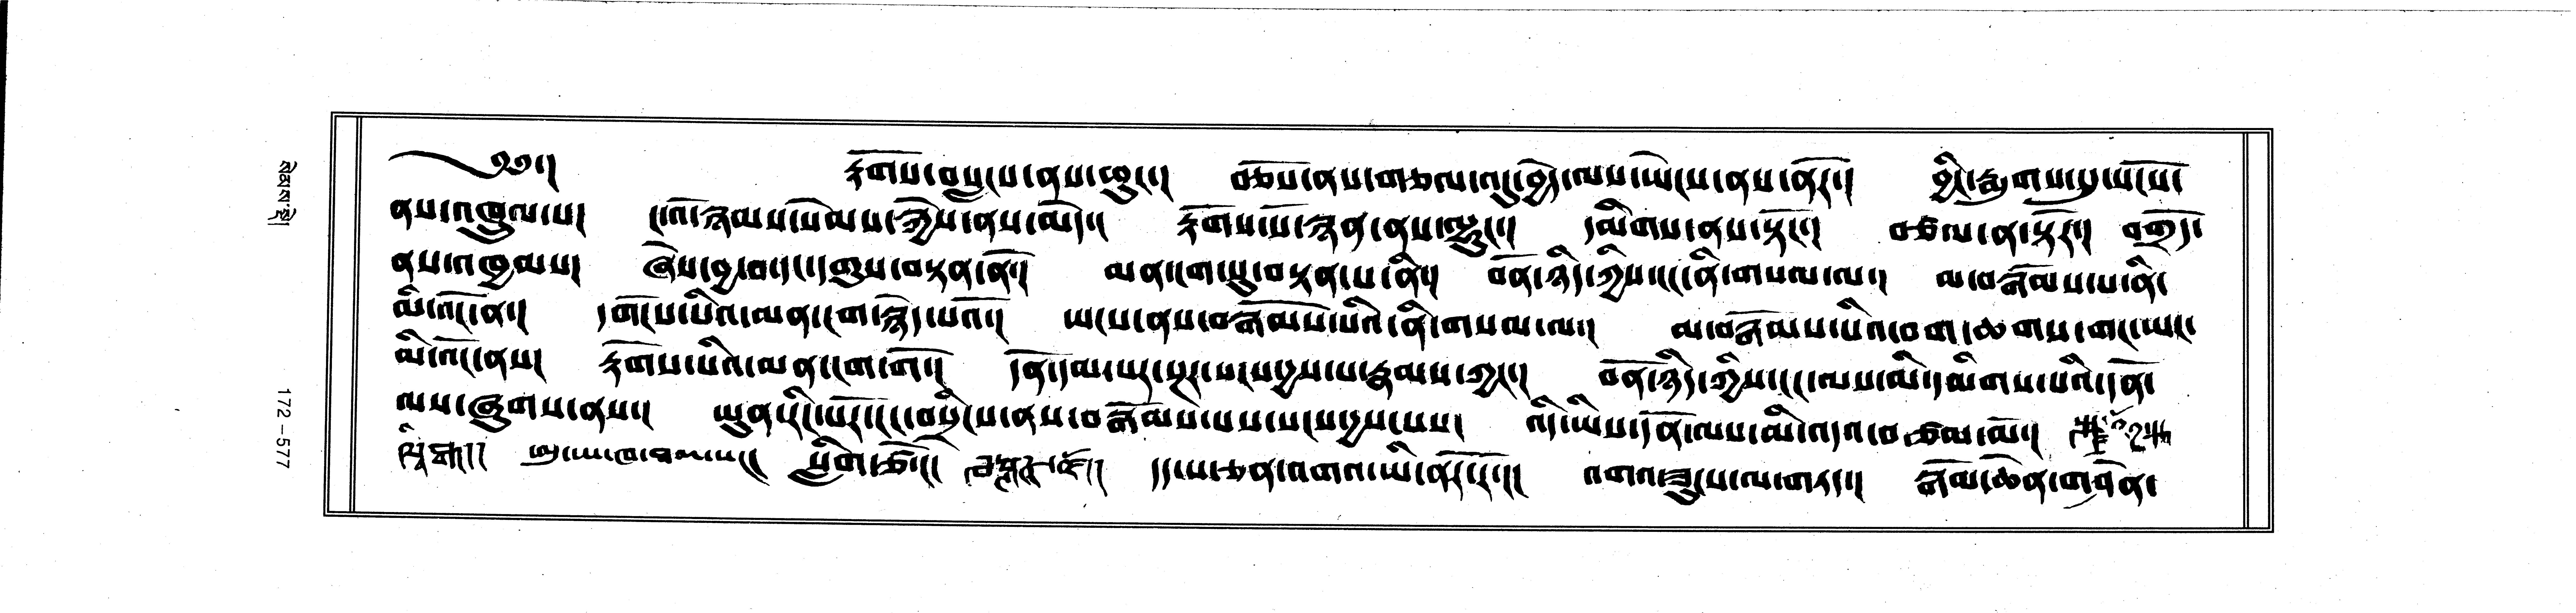རྟོགས་བསླབས་ནས་ཕུང་། བཅོས་ནས་གཅལ་འདུ་བྱེད་ལས་གཡེངས་ནས་ནོར། བྱིང་རྨུགས་སུ་སོངས་
ནས་འཁྲུལ་པ། ང་འོ་རྙམས་སེམས་སྐྱེས་ནས་མེད། རྟོགས་སོ་སྙན་ནས་ལྷུང་། དམིགས་ནས་སྟོང་། བཙལ་ན་སྟོར། བགྲོད་
ནས་འཁྱམས། ཞེས་བྱ་བ་དང་དགུས་བསྟན་ནོ། མན་ངག་སུ་བསྟན་པ་ནི། བོན་ཉིད་ཀྱིས་ངང་ནི་གསལ་ལ། མ་བསྒོམས་པ་ནི་
མི་འོང་ན། དགོངས་པའི་མན་ངག་རྙེད་པའོ། ཡང་ནས་བསྒོམས་པའི་ནི་གསལ་ལ། མ་བསྒོམས་པའི་བག་ཆགས་གང་ཡང་
མི་འོང་ན། རྟོགས་པའི་མན་དག་གོ། དོན་དམ་པར་སྔར་སངས་རྒྱས་པ་རྣམས་ཀྱང་། བོན་ཉིད་ཀྱིས་ངང་ལས་མི་དམིགས་པའི་དོན་
ལས་ཞུགས་ནས། ཡུན་རིང་པོར་ངང་བསྲིངས་ནས་བསྒོམས་པས་སངས་རྒྱས་པས། འདི་ཡིས་དོན་ལས་མི་འདའ་བ་ཙམ་མོ། 
༼འདིར་གཏེར་ཡིག་ཡོད།༽ཨུ་ཡ་ཁ་ཐམས། སླིག་ཙོ། ༼འདིར་གཏེར་ཡིག་ཡོད།༽དད་པ་ཅན་འགའ་ཡི་ནོར་རོ། འགའ་ཟུངས་ལ་གཏད། སྒོམ་ཆེན་གཤེན་